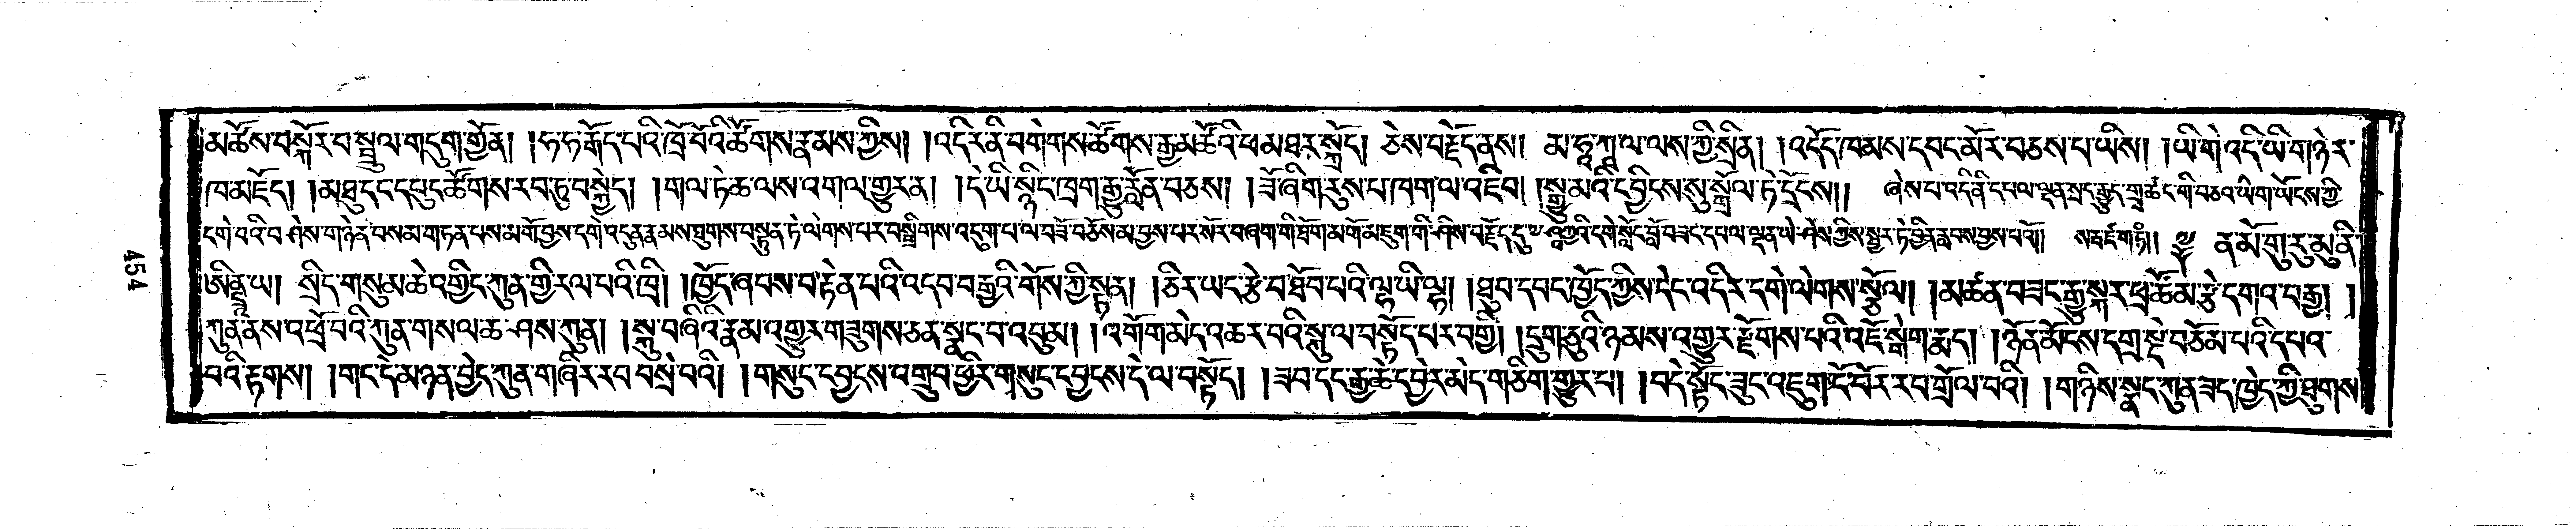མཚོས་བསྐོར་བ་སྦྲུལ་གདུག་གྱོན། །ཧ་ཧ་རྒོད་པའི་ཁྲོ་བོའི་ཚོགས་རྣམས་ཀྱིས། །འདིར་ནི་བགེགས་ཚོགས་རྒྱ་མཚོའི་ཕ་མཐར་སྐྲོད། ཅེས་བརྗོད་ནས། མ་ཧཱ་ཀཱ་ལ་ལས་ཀྱི་སྲིན། །འདོད་ཁམས་དབང་མོར་བཅས་པ་ཡིས། །ཡི་གེ་འདི་ཡི་གཉེར་
ཁ་མཇོད། །མཐུ་དང་དཔུང་ཚོགས་རབ་ཏུ་བསྐྱེད། །གལ་ཏེ་ཆ་ལས་འགལ་གྱུར་ན། །དེ་ཡི་སྙིང་ཁྲག་རྒྱུ་རློན་བཅས། །ཟོ་ཞིག་རུས་པ་ཁག་ལ་འཇིབ། །སྒྱུ་མའི་དབྱིངས་སུ་སྒྲོལ་ཏེ་དྲོངས།། ཞེས་པ་འདི་ནི་དཔལ་ལྡན་སྲད་རྒྱུད་གྲྭ་ཚང་གི་བཅའ་ཡིག་ཡོངས་ཀྱི་
དགེ་བའི་བཤེས་གཉེན་བསམ་གཏན་པས་མགོ་བྱས་དགེ་འདུན་རྣམས་ཐུགས་བསྟུན་ཏེ་ལེགས་པར་བསྒྲིགས་འདུག་པ་ལ་བཟོ་བཅོས་མ་བྱས་པར་སོར་བཞག་གི་ཐོག་མགོ་མཇུག་གི་ཤིས་བརྗོད་དུ་༧་ཤཱཀྱའི་དགེ་སློང་བློ་བཟང་དཔལ་ལྡན་ཡེ་ཤེས་ཀྱིས་སྦྱར་ཏེ་བྱིན་རླབས་བྱས་པའོ།། སརྦ་རྫ་ག་ཏཾ།། ༈ ན་མོ་གུ་རུ་མུ་ནི་
ཨིནྡྲཱ་ཡ། སྲིད་གསུམ་ཆེ་འགྱིང་ཀུན་གྱི་རལ་པའི་ཁྲི། །ཁྱོད་ཞབས་བ་རྟེན་པའི་འདབ་བརྒྱའི་གོས་ཀྱི་སྟན། །ཅིར་ཡང་རྩེ་བ་ཐོབ་པའི་ལྷ་ཡི་ལྷ། །ཐུབ་དབང་ཁྱོད་ཀྱིས་དེང་འདིར་དགེ་ལེགས་སྩོལ། །མཚན་བཟང་རྒྱུ་སྐར་ཕྲ་ཚོམ་རྩེ་དགའ་བརྒྱ། །
ཀུན་ནས་འཕྲོ་བའི་ཀུན་གསལ་ཆ་ཤས་ཀུན། །སྐུ་བཞིའི་རྣམ་འགྱུར་གཟུགས་ཅན་སྣང་བ་འབུམ། །འགོག་མེད་འཆར་བའི་སྐུ་ལ་བསྟོད་པར་བགྱི། །དྲུག་ཅུའི་ཉམས་འགྱུར་རྫོགས་པའི་འཇོ་སྒེག་རྨད། །ཉོན་མོངས་དགྲ་སྡེ་བཅོམ་པའི་དཔའ་
བའི་རྟགས། །གང་དེ་མཉན་བྱེད་ཀུན་གཞིར་རབ་བསྲེ་བའི། །གསུང་དབྱངས་འགྲུབ་ཕྱིར་གསུང་དབྱངས་དེ་ལ་བསྟོད། །ཟབ་དང་རྒྱ་ཆེ་དབྱེར་མེད་གཅིག་གྱུར་པ། །བདེ་སྟོང་ཟུང་འཇུག་ངོ་བོར་རབ་གྲོལ་བའི། །གཉིས་སྣང་ཀུན་ཟད་ཁྱེད་ཀྱི་ཐུགས་